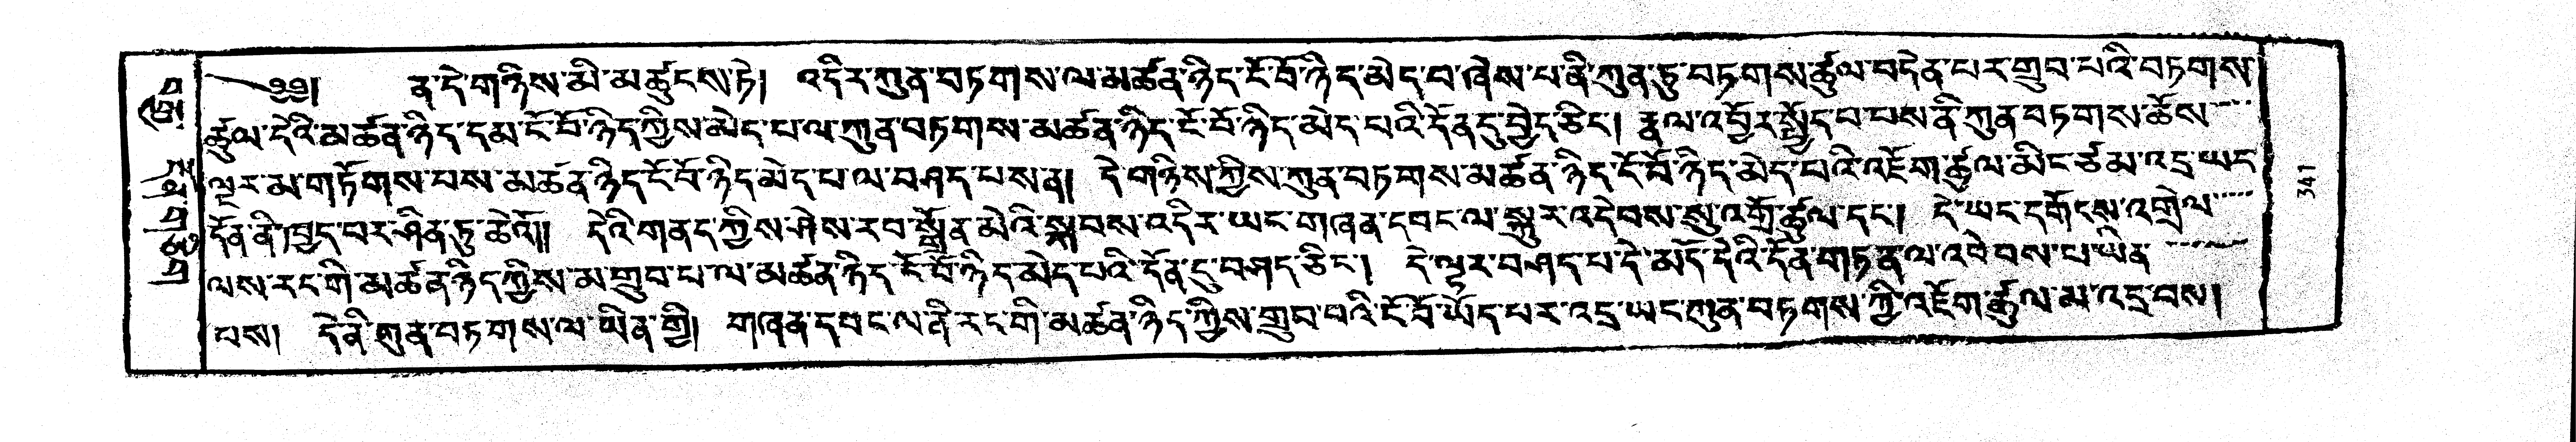༄༅། །ན་དེ་གཉིས་མི་མཚུངས་ཏེ། འདིར་ཀུན་བཏགས་ལ་མཚན་ཉིད་ངོ་བོ་ཉིད་མེད་བ་ཞེས་པ་ནི་ཀུན་ཏུ་བཏགས་ཚུལ་བདེན་པར་གྲུབ་པའི་བཏགས་
ཚུལ་དེའི་མཚན་ཉིད་དམ་ངོ་བོ་ཉིད་ཀྱིས་མེད་པ་ལ་ཀུན་བཏགས་མཚན་ཉིད་ངོ་བོ་ཉིད་མེད་པའི་དོན་དུ་བྱེད་ཅིང་། རྣལ་འབྱོར་སྤྱོད་པ་པས་ནི་ཀུན་བཏགས་ཆོས་
ལྔར་མ་གདོགས་པས་མཚན་ཉིད་ངོ་བོ་ཉིད་མེད་པ་ལ་བཤད་པས་ན། དེ་གཉིས་ཀྱིས་ཀུན་བཏགས་མཚན་ཉིད་ངོ་བོ་ཉིད་མེད་པའི་འཇོག་ཚུལ་མིང་ཙམ་འདྲ་ཡང་
དོན་ནི་ཁྱད་པར་ཤིན་ཏུ་ཆེའོ། །དེའི་གནད་ཀྱིས་ཤེས་རབ་སྒྲོན་མེའི་སྐབས་འདིར་ཡང་གཞན་དབང་ལ་སྐུར་འདེབས་སུ་འགྲོ་ཚུལ་དང་། དེ་ཡང་དགོངས་འགྲེལ་
ལས་རང་གི་མཚན་ཉིད་ཀྱིས་མ་གྲུབ་པ་ལ་མཚན་ཉིད་ངོ་བོ་ཉིད་མེད་པའི་དོན་དུ་བཤད་ཅིང་། དེ་ལྟར་བཤད་པ་དེ་མདོ་དེའི་དོན་གཏན་ལ་འབེབས་པ་ཡིན་
པས། དེ་ནི་ཀུན་བཏགས་ལ་ཡིན་གྱི། གཞན་དབང་ལ་ནི་རང་གི་མཚན་ཉིད་ཀྱིས་གྲུབ་པའི་ངོ་བོ་ཡོད་པར་འདྲ་ཡང་ཀུན་བཏགས་ཀྱི་འཇོག་ཚུལ་མ་འདྲ་བས།